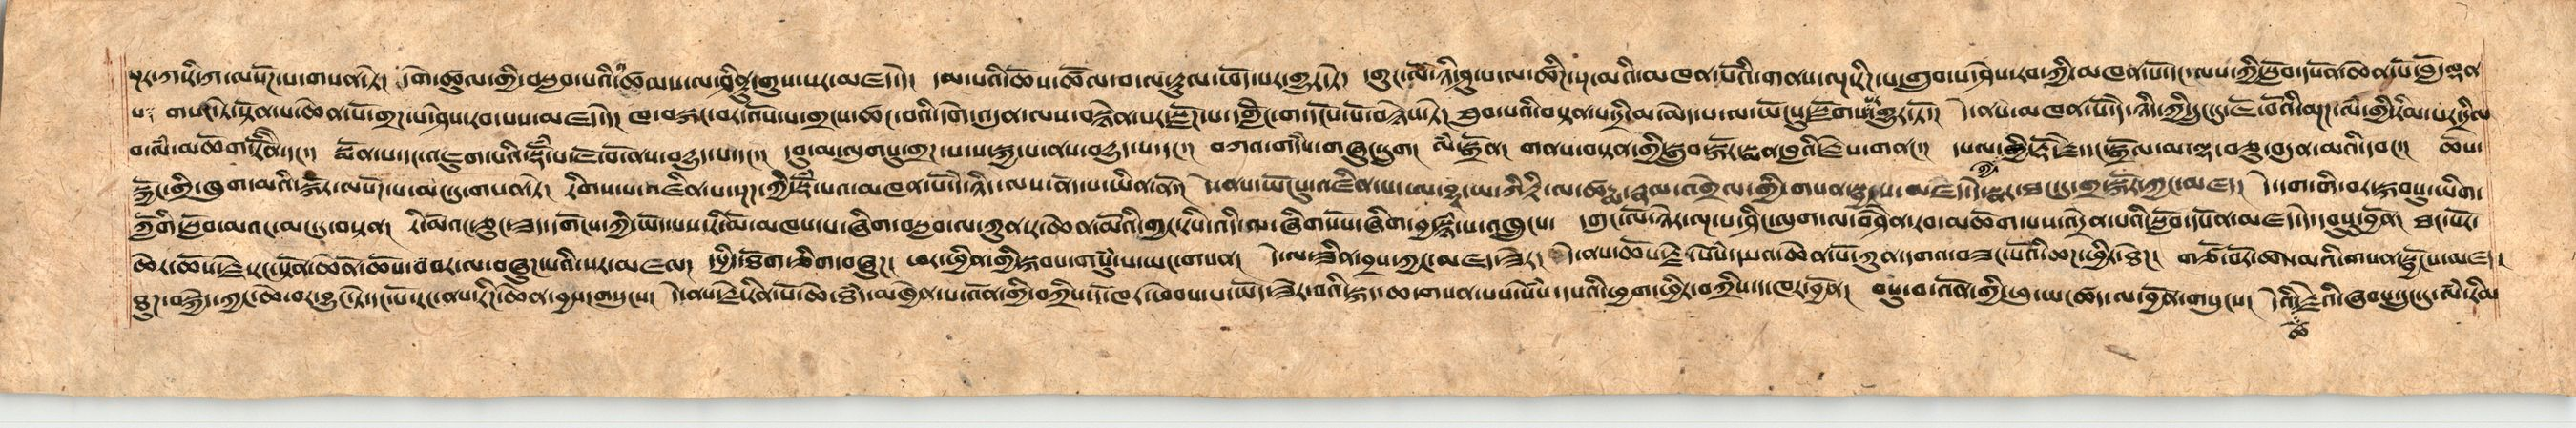སྔར་ཀ་རི་ཀ་ལསོཌ་པ་གསན་ཏེ། དགེ་ཚུལ་གྱི་བསླབ་པའི་ཚམས་ལ་ཤིནུ་གུས་པར་མཛད་དེ། དམ་པའི་ཆོས་ཚོལ་བ་ལ་རྟུལ་ཕོད་པར་གྱུར་ཏེ། དགུང་ལོ་ཉི་ཤུ་པ་ལ་ཚིཌ་སྔ་མའི་མཁན་པོའི་གནས་ལྔ་རིཌ་པ་གྲུབ་པ་ཤེས་རབ་ཀྱི་མཁན་པོ་དང་ལས་ཀྱི་སློབ་དཔོན་ཆེན་པོ་བློ་ལྡན
པ༑ གསང་ཏེ་སྟོན་པ་ཆེན་པོ་གྲཌ་པ་ཤེས་རབ་པས་མཛད་དེ། ཁ་བསྐང་བར་འོས་པ་གྲངས་ཚང་བའི་དགེ་འདུན་ལས་བསྙེན་པར་སྫོཌ་པ་དགློངེ་ག་དངོས་པོ་བརྙེས་ཏེ། ཐུབ་པའི་བསྟན་པ་དྲི་མ་མེད་པ་ལ་ཡོངསུ་སྫོགས་གྱུར་ཏོ། དེ་ནས་མཁན་པོ་དེ་ཉིད་ཀྱི་དྲུང་དུ་ཇོ་བོའི་མྔཌ་ལཾ་གྱི་རིམ་པར་དྲིལ་
བ་ལཾ་མཆོག་རིནོ་ེ་དང་། སྨོན་པ་དང་འཇུག་པའི་སྡོཾ་པ་ཇོ་བོ་ནས་བདྱུད་པ་དང་། དབུ་མ་ལུགསུ་གྲཌ་པ་ས་སྐྱ་པ་ནས་བདྱུད་པ་དང་། བཀའ་གདཾས་གཞུང་དྲུག། ལཾ་སྒྲོན། གནས་བསྟན་གྱི་སྒྲུབ་སྐོར་སྨན་བླའི་རྗེས་གནང་། དཔལ་གྱི་རྡོ་རྗེ་དང་སྒྲོལ་མ་ལྷ་བཅུ་བདུན་མའི་དབང་། ཆོས་
སྐྱོང་གྲི་ཁུག་མའི་སྐོར་ལསོཌ་པ་མང་དུ་གསན་ཏེ། རིགས་པ་འཛིན་པ་སྔཌ་ཀྱི་སྡོཾ་པའ་མཁན་པོ་དེ་ཉིད་ལས་ནོད་པ་ཡིན་ནོ། དེ་ནས་ཡོངསུ་འཛིན་པ་ཨ་བྷཱ་ཡ་ཀིརྟི་ལ་ཚདྨ་རྣམ་འགྲེལ་གྱི་གསན་སྦྱོངས་མཛད་དེ་སྣར་ཐང་དུ་གྲ་སྐོར་ཀྱང་མཛད། དེ་དག་གི་བར་སྐབསུ་ཡིག་
ཀློགི་སློབ་མའང་མང་དུ་བསྟན། རི་མོའང་ཅུང་ཟད་དགོངས་ཀྱི་ཡོད་པས་རི་མོ་མཁས་པ་ཞིག་བསླབ་ལ་ཀུན་ར་ཆེན་མོའི་གྱང་རིས་འདི་ལ་ཞིགསོས་ཞིག་བྱ་སྙཾ་པ་འཁྲུངས་ དགུང་ལོ་ཉེར་ལྔ་པ་ཤིང་ལུག་ལ་བཤཻན་རབ་མཆོག་པས་འདྲེན་པའི་སློབ་དཔོན་མཛད་དེ་དབུསུ་བྱོན། ཐང་པོར་
ཆེར་ཆོས་རྗེ་རང་སྟོན་ཆེནོ་ཆོས་བབར་ལ་བཞུཌ་པའི་སར་མཛལ། དཔྱིད་ཐོག་ཅིག་བཞུཌ། ཕར་ཕྱིན་གྱི་སྐབས་གསུཾ་པ་ཡང་གསན། དེ་ལ་ཟིན་བྲིས་ཀྱང་མཛད་ཟེར། དེ་ནས་ཆོས་རྗེ་སེཾས་དཔའ་ཆེན་པོ་ཀུན་དགའ་བཟང་པོའི་ཆཌ་ཕྱིར་ཐེཌ། གཙོ་བོར་ཚད་མའི་གསན་སྦྱོངས་མཛད་
ཐུཌ་བསྐྱེད་ཀྱང་ཆེ་བར་བྱུང་ཏེ་དང་པོ་རང་ནས་རིཌ་ཆེན་བྱས་གསུངས། དེ་ནས་རྗེ་རིན་པོ་ཆེ་ཐཾད་མཁྱེན་པ་འོན་གྱི་བཀྲིས་དོ་ཁར་ཕེབས་པ་ཡོད་ཟེར་བའི་སྐད་ཆ་གསན་པས་སེཾས་དདཔའི་ཕྱག་ཕྱིར་བཀྲིས་ད་ཁར་བྱོན། བསུ་བ་འོན་གྱི་ཕུ་ཡང་ཚད་ལ་བྱོན་གསུངས། དེའི་རྗེའི་ཞབས་དྲུང་དུ་ལཾ་རིམ